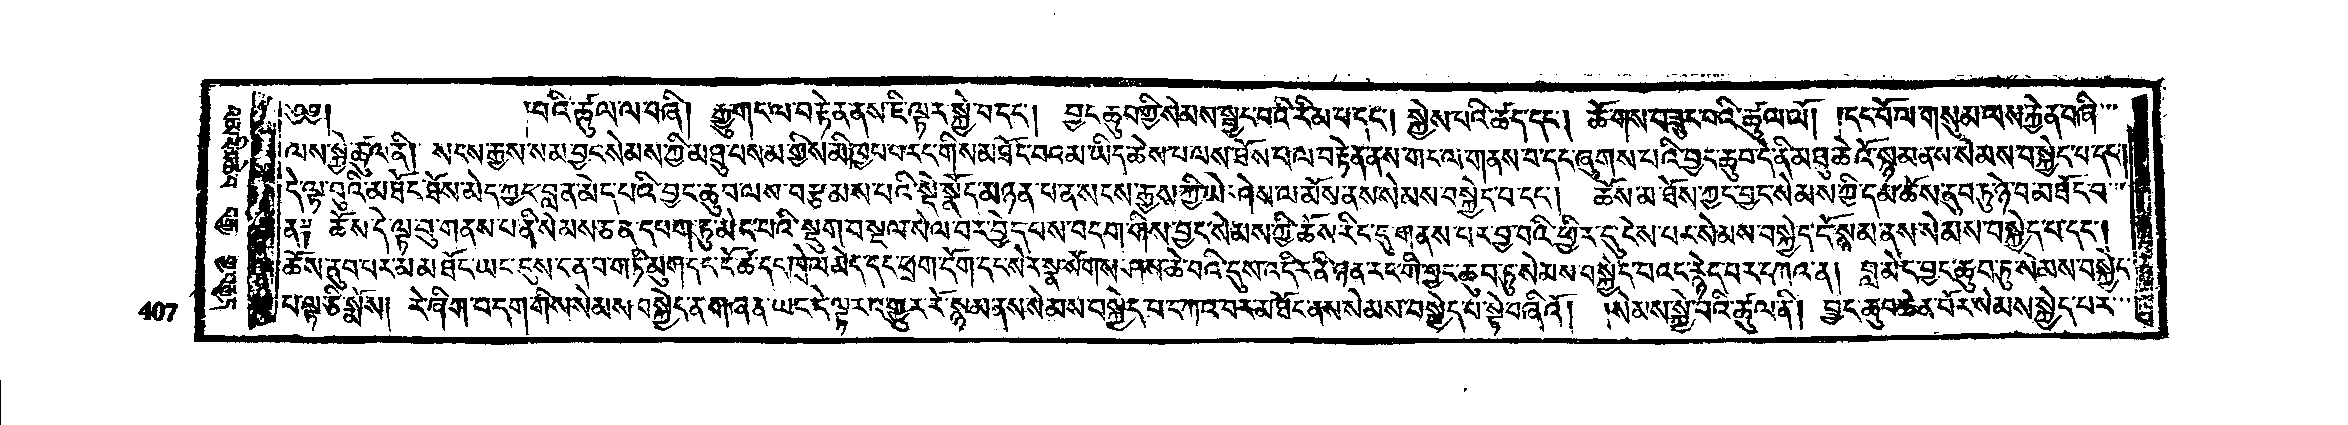༄༅། །པའི་ཚུལ་ལ་བཞི། རྒྱུ་གང་ལ་བརྟེན་ནས་ཇི་ལྟར་སྐྱེ་བ་དང་། བྱང་ཆུབ་ཀྱི་སེམས་སྦྱང་བའི་རིམ་པ་དང་། སྐྱེས་པའི་ཚད་དང་། ཆོ་གས་བཟུང་བའི་ཚུལ་ལོ། །དང་པོ་ལ་གསུམ་ལས་རྐྱེན་བཞི་
ལས་སྐྱེ་ཚུལ་ནི། སངས་རྒྱས་སམ་བྱང་སེམས་ཀྱི་མཐུ་བསམ་གྱིས་མི་ཁྱབ་པ་རང་གིས་མཐོང་བའམ་ཡིད་ཆེས་པ་ལས་ཐོས་པ་ལ་བརྟེན་ནས་གང་ལ་གནས་པ་དང་ཞུགས་པའི་བྱང་ཆུབ་དེ་ནི་མཐུ་ཆེའོ་སྙམ་ནས་སེམས་བསྐྱེད་པ་དང་།
དེ་ལྟ་བུའི་མཐོང་ཐོས་མེད་ཀྱང་བླ་ན་མེད་པའི་བྱང་ཆུབ་ལས་བརྩམས་པའི་སྡེ་སྣོད་མཉན་པ་ན་སངས་རྒྱས་ཀྱི་ཡེ་ཤེས་ལ་མོས་ནས་སེམས་བསྐྱེད་པ་དང་། ཆོས་མ་ཐོས་ཀྱང་བྱང་སེམས་ཀྱི་དམ་ཆོས་ནུབ་ཏུ་ཉེ་བ་མཐོང་བ་
ན༑ ཆོས་དེ་ལྟ་བུ་གནས་པ་ནི་སེམས་ཅན་དཔག་ཏུ་མེད་པའི་སྡུག་བསྔལ་སེལ་བར་བྱེད་པས་བདག་གིས་བྱང་སེམས་ཀྱི་ཆོས་རིང་དུ་གནས་པར་བྱ་བའི་ཕྱིར་དུ་ངེས་པར་སེམས་བསྐྱེད་དོ་སྙམ་ནས་སེམས་བསྐྱེད་པ་དང་།
ཆོས་ནུབ་པར་མ་མཐོང་ཡང་དུས་ངན་པ་གཏི་མུག་དང་ངོ་ཚ་དང་ཁྲེལ་མེད་དང་ཕྲག་དོག་དང་སེར་སྣ་སོགས་ཤས་ཆེ་བའི་དུས་འདིར་ནི་ཉན་རང་གི་བྱང་ཆུབ་ཏུ་སེམས་བསྐྱེད་པའང་རྙེད་པར་དཀའ་ན། བླ་མེད་བྱང་ཆུབ་ཏུ་སེམས་བསྐྱེད་
པ་ལྟ་ཅི་སྨོས། རེ་ཞིག་བདག་གིས་སེམས་བསྐྱེད་ན་གཞན་ཡང་དེ་ལྟར་འགྱུར་རོ་སྙམ་ནས་སེམས་བསྐྱེད་པ་དཀའ་བར་མཐོང་ནས་སེམས་བསྐྱེད་པ་སྟེ་བཞིའོ། །སེམས་སྐྱེ་བའི་ཚུལ་ནི། བྱང་ཆུབ་ཆེན་པོར་སེམས་སྐྱེད་པར་